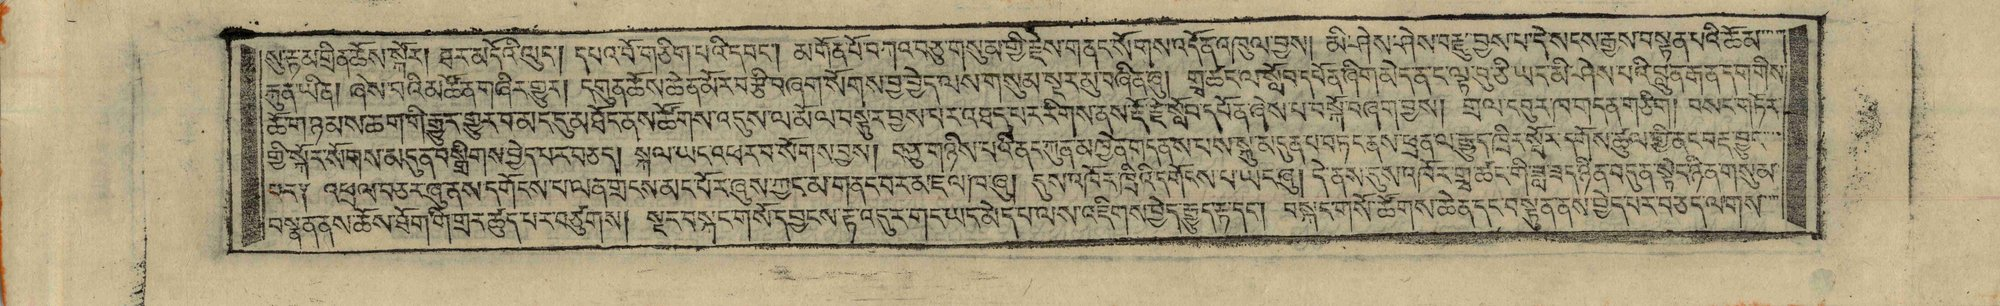སུ་རྟ་མགྲིན་ཆོས་སྐོར། ཐར་མདོའི་ལུང་། དཔའ་བོ་གཅིག་པའི་དབང་། མགོན་པོ་བཀའ་བཅུ་གསུམ་གྱི་རྗེས་གནང་སོགས་འདོན་འཁུལ་བྱས། མི་ཤེས་ཤེས་བརྫུ་བྱས་པ་དེ་སངས་རྒྱས་བསྟན་པའི་ཆོམ་
རྐུན་ཡིན། ཞེས་པའི་མཚོན་གཞིར་གྱུར། དགུན་ཆོས་ཆེན་མོར་བརྩི་བཞག་སོགས་བྱ་བྱེད་ལས་གསུམ་སྔར་མུ་བཞིན་ཞུ། གྲྭ་ཚང་ལ་སློབ་དཔོན་ཞིག་མེད་ན་ང་ལྟ་བུ་ཅི་ཡང་མི་ཤེས་པའི་བླུན་རྒན་དག་གིས་
ཆོ་ག་ཉམས་ཆག་གི་རྒྱུར་གྱུར་བ་མང་དུ་མཐོང་ནས་ཚོགས་འདུས་ལ་མོལ་བསྟུར་བྱས་པར་འཐད་པར་རིགས་ནས་རྡོ་རྗེ་སློབ་དཔོན་ཞེས་པ་བསྐོ་བཞག་བྱས། གྲལ་དབུར་ཁ་གདན་གཅིག །བསང་གཏོར་
གྱི་སྐོར་སོགས་མདུན་བསྒྲིགས་བྱེད་པར་བཅད། སྐལ་ཡང་འཕར་བ་སོགས་བྱས། བཅུ་གཉིས་པའི་ནང་ཀུན་མཁྱེན་གདན་ས་པས་སྐུ་མདུན་པ་བཏང་ནས་ཕྲན་ལ་རྒྱུད་ཁྲིར་སྤོར་དགོས་ཚུལ་གྱི་ནང་བརྡ་བྱུང་
པར༑ འཕྲལ་བཅར་ཞུ་ནས་དགོངས་པ་ལན་གྲངས་མང་པོར་ཞུས་ཀྱང་མ་གནང་བར་མཇལ་ཁ་ཞུ། དུས་འཁོར་ཁྲིའི་དགོངས་པ་ཡང་ཞུ། དེ་ནས་དུས་འཁོར་གྲྭ་ཚང་གི་ཟླ་ཟད་ཉིན་བདུན་སྟེང་ཉིན་གསུམ་
བསྣན་ནས་ཆོས་ཐོག་གི་གྲར་ཚུད་པར་བཙུགས། སྔར་བསྐང་གསོ་དབྱངས་རྟ་འདུར་གང་ཡང་མེད་པ་ལས་འཇིགས་བྱེད་རྒྱུད་རྟ་དང་། བསྐང་གསོ་ཚོགས་ཆེན་དང་བསྟུན་ནས་བྱེད་པར་བཅད་ལགས་